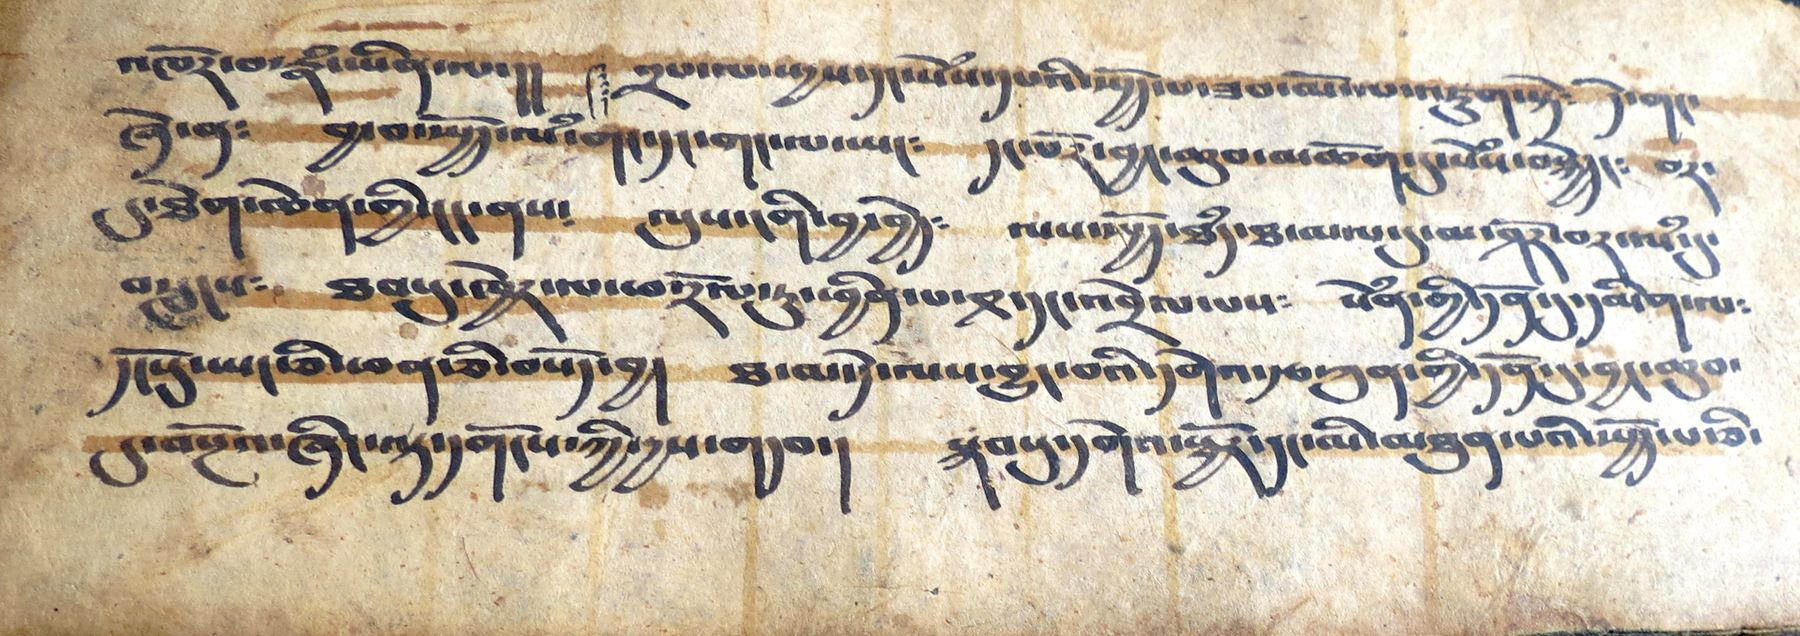འཁོལ་བ་རྣམས་ཡིན་ལ། གཉིས་པ་ལ་སངས་རྒྱས་དང་སེམས་དཔའི་སྤྱོད་པ་ཟབ་མོ་ལ་འཇུག་སྟེ། དེ་དག་གང་
ཞེ་ན། བྱ་བ་སྤྱོད་ལམ་གང་དང་གང་ལ་ཡང་། དང་པོ་བྱང་ཆུབ་མཆོག་ཏུ་སེམས་སྐྱེད། བར་
དུ་ཐེག་ཆེན་གྱི་ངང་ནས། ལུས་ཀྱི་བྱ་བྱེད། ལས་སྤྱོད་ཐམས་ཅད་ཐ་མལ་དུ་མ་ཤོར་བར་ལམ་དུ་
སློང་། ཐབས་སུ་ཁྱེར་ལ་ཕ་རོལ་དུ་ཕྱིན་པ་བཅུ་དང་འབྲེལ་བས། སེམས་ཅན་གྱི་དོན་དུ་དམིགས་ལ། 
དང་དངོས་སུ་ཡང་ཅི་ཕན་ཅི་བསོད་བྱ། ཐ་མ་དེ་ལས་བྱུང་བའི་དགེ་རྩ་ཀུན་གྱི་དོན་དུ་བྱང་ཆུབ་
ཏུ་བསྔོ་ཞིང་ལྟ་དགོངས་ཀྱི་རྒྱས་གདབ། སྐབས་སུ་དགེ་སྦྱོར་དང་མི་མཐུན་པའི་སྤྱོད་པ་ཅི་